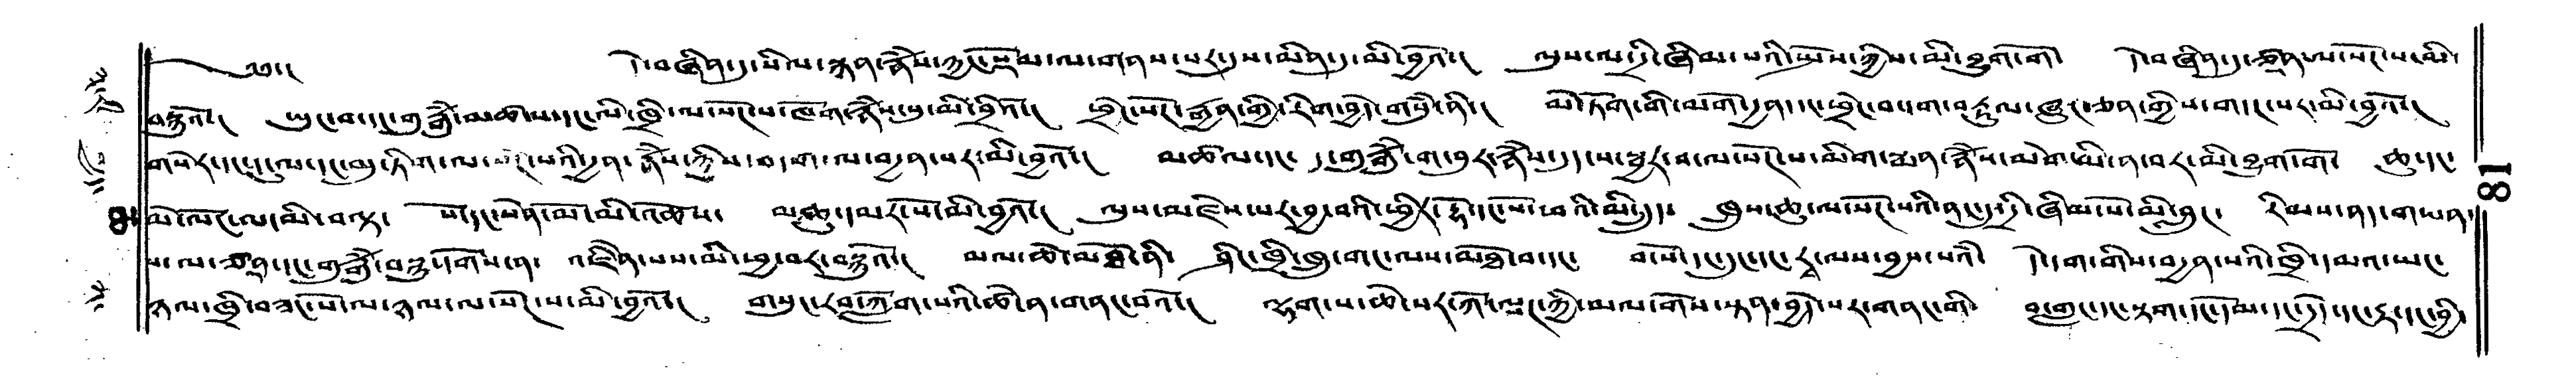དེ་བཞིན་དུ་སིལ་སྙན་རྣམས་ཀྱང་སྡོམ་ལ་གནས་པས་དུས་མིན་དུ་མི་བྱའོ། ལུས་ལ་དྲི་ཞིམ་པའི་སྤོས་ཀྱིས་མི་བྱུག་གོ། དེ་བཞིན་དུ་ཙནྡན་ལ་སོགས་པ་མི་
བསྐུའོ། ཡུང་བ་དང་གུར་རྒུམ་མཚལ་དང་ལི་ཁྲི་ལ་སོགས་པ་ཁ་དོག་རྣམས་སུ་མི་བྲིའོ། ཕྲེང་སོགས་རྒྱན་གྱི་རིག་བྱེད་གསུམ་ནི། མེ་ཏོག་གི་མགོ་རྒྱན་དང་ཕྲེང་བ་དག་བརྡུལ་ཞུགས་ཅན་གྱིས་གདགས་པར་མི་བྱའོ། 
གསེར་དང་དངུལ་དང་མུ་ཏིག་ལ་སོགས་པའི་རྒྱན་རྣམས་ཀྱིས་བདག་ལ་བརྒྱན་པར་མི་བྱའོ། མཚལ་དང་དུ་གུར་རྒུམ་ག་བུར་རྣམས་དུད་པ་དང་སྦྱར་བ་ལ་སོགས་པ་མིག་སྨན་རྣམས་མིག་མི་ན་བར་མི་བྱུག་གོ ཆུ་དང་
མེ་ལོང་ལ་མི་བལྟ། སོ་དང་སེན་མོ་མི་འཆོས། མཆུ་དམར་པོར་མི་བྱའོ། ལུས་མཛེས་པར་བྱ་བའི་ཕྱིར་རྡོ་དང་སོ་ཕས་མི་དྲུད། ཁྲུས་ཆུ་ལ་སོགས་པའི་ནང་དུ་དྲི་ཞིམ་པོ་མི་བླུགས། རིམས་ནད་གཡན་
པ་ལ་ཙནྡན་དང་གུར་རྒུམ་བསྐུ་དགོས་ན། འཇིག་རྟེན་པས་མི་ཕྱ་བར་བསྐུའོ། མལ་ཆེ་མཐོ་ནི། ཤིང་ཁྲི་ཁྲུ་གང་ལས་མཐོ་བ་དང་། བ་སོ་དང་དུང་དང་རྭ་ལས་བྱས་པའམ། དེ་དག་གིས་བརྒྱན་པའི་ཁྲི་དམའ་ཡང་
ཉལ་ཁྲི་བཟང་པོ་ལ་ཉལ་བ་ལ་སོགས་པ་མི་བྱའོ།གསུང་རབ་ཀློག་པའི་ཚེ་ན་གནང་བའོ། ལྷགས་པ་ཆེ་སར་ཀོ་ལྤགས་ཀྱི་མལ་གོས་སྟན་བྱེད་པར་གནང་མོད། བ་གླང་དང་སྟག་དང་དོམ་དང་དྲེད་དང་རྟ་དང་བྱི་